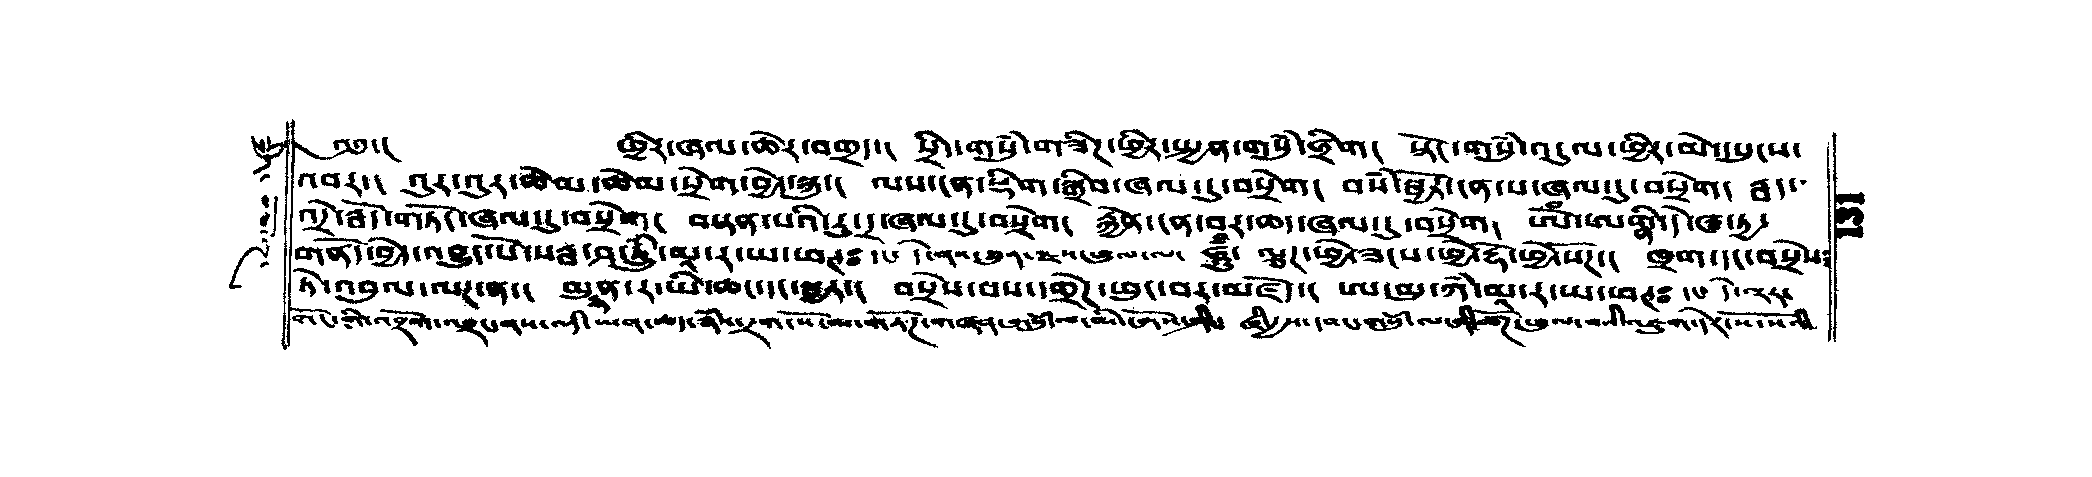ཕྱིར་ཞལ་ཆེར་བགྲད། །སྲིད་གསུམ་གཟིགས་ཕྱིར་སྤྱན་གསུམ་ཧྲིག་།སྟོང་གསུམ་འདུལ་ཕྱིར་མེ་དཔུང་
འབར། །འུར་འུར་ཆེམ་ཆེམ་སྲེག་བྱེད་སྐུ། །ལས་ངན་སྡིག་སྒྲིབ་ཞལ་དུ་བསྲེག ། བསམ་སྦྱོར་ངན་པ་ཞལ་དུ་བསྲེག་རྦད་
འདྲེ་རྦད་གཏོང་ཞལ་དུ་བསྲེག་རྐྱེན་ངན་བར་ཆད་ཞལ་དུ་བསྲེག་ཨོྃ་ཨགྣི་དེ་ཝ་ཏྱ་
གནོད་བྱེད་འབྱུང་པོ་སརྦ་ཤ་ཏྲུཾ་མཱ་ར་ཡ་ཕཊཿ དང་དེ་ནས་ཐུན་རྫས་ཕུལ་ལ། ཧཱུྃ། ལྕགས་ཕྱེ་ཟངས་ཕྱེ་རྡོ་ཕྱེ་སོགས། །ཁྲག་དང་བསྲེས་
ཏེ་འབུལ་ལགས་ན། །མུནྡྷ་ར་ཡི་ཆང་དང་སྦྱར། །བསྲེས་པས་དགྲ་གེགས་ཕུང་བར་མཛོད། །ཨ་མུ་ཀཾ་མཱ་ར་ཡ་ཕཊཿདང་། དེ་ལྟར་
གོང་གི་འབྲོག་འབྲང་ནས་འདི་ཡན་ཆད་རྣམས་དྲག་པོ་མ་གཏོགས་གཞན་གསུམ་ལ་མི་དགོས་ཤིང་། ཞི་རྒྱས་དབང་གསུམ་ལ་ནི་ཚོགས་ཕུལ་བའི་འཇུག་དེར་སོ་སོའི་